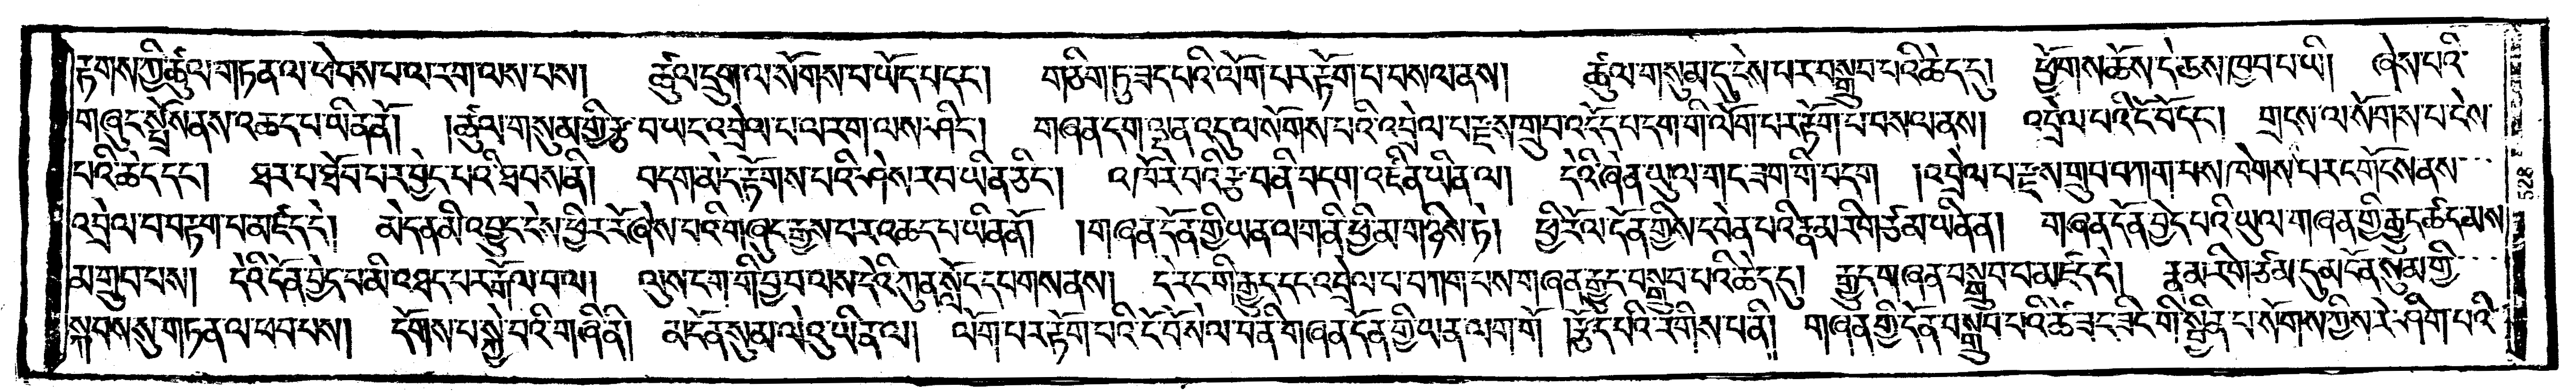རྟགས་ཀྱི་ཚུལ་གཏན་ལ་ཕེབས་པ་ལ་རག་ལས་པས། ཚུལ་དྲུག་ལ་སོགས་པ་ཡོད་པ་དང་། གཅིག་ཏུ་ཟད་པའི་ལོག་པར་རྟོག་པ་བསལ་ནས། ཚུལ་གསུམ་དུ་ངེས་པར་བསྒྲུབ་པའི་ཆེད་དུ། ཕྱོགས་ཆོས་དེ་ཆས་ཁྱབ་པ་ཡི། ཞེས་པའི་
གཞུང་སྤྲོས་ནས་འཆད་པ་ཡིན་ནོ། །ཚུལ་གསུམ་གྱི་རྩ་བ་ཡང་འབྲེལ་པ་ལ་རག་ལས་ཤིང་། གཞན་དག་ལྡན་འདུ་ལ་སོགས་པའི་འབྲེལ་པ་རྫས་གྲུབ་འདོད་པ་དག་གི་ལོག་པར་རྟོག་པ་བསལ་ནས། འབྲེལ་པའི་ངོ་བོ་དང་། གྲངས་ལ་སོགས་པ་ངེས་
པའི་ཆེད་དང་། ཐར་ཐོབ་པར་བྱེད་པའི་ཐབས་ནི། བདག་མེད་རྟོགས་པའི་ཤེས་རབ་ཡིན་ཅིང་། འཁོར་བའི་རྩ་བ་ནི་བདག་འཛིན་ཡིན་ལ། དེའི་ཞེན་ཡུལ་གང་ཟག་གི་བདག །འབྲེལ་པ་རྫས་གྲུབ་བཀག་པས་ཁེགས་པར་དགོངས་ནས་
འབྲེལ་བ་བརྟགས་པ་མཛད་དེ། མེད་ན་མི་འབྱུང་ངེས་ཕྱིར་རོ་ཞེས་པའི་གཞུང་རྒྱས་པར་འཆད་པ་ཡིན་ནོ། །གཞན་དོན་གྱི་ཡན་ལག་ནི་ཕྱི་མ་གཉིས་ཏེ། ཕྱི་རོལ་དོན་གྱིས་དབེན་པའི་རྣམ་རིག་ཙམ་ཡིན་ན། གཞན་དོན་བྱེད་པའི་ཡུལ་གཞན་གྱི་རྒྱུད་ཚད་མས་
མ་གྲུབ་པས། དེའི་དོན་བྱེད་པ་མི་འཐད་པར་རྒོལ་བ་ལ། ལུས་ངག་གི་བྱ་བ་ལས་དེའི་ཀུན་སློང་དཔགས་ནས། དེ་རང་གི་རྒྱུད་དང་འབྲེལ་པ་བཀག་པས་གཞན་རྒྱུད་བསྒྲུབ་པའི་ཆེད་དུ། རྒྱུད་གཞན་བསྒྲུབ་པ་མཛད་དེ། རྣམ་རིག་ཙམ་དུ་མངོན་སུམ་གྱི་
སྐབས་སུ་གཏན་ལ་ཕབ་པས། དོགས་པ་སྐྱེ་བའི་གཞི་ནི། མངོན་སུམ་ལེའུ་ཡིན་ལ། ལོག་པར་རྟོག་པའི་ངོ་བོ་སེལ་བ་ནི་གཞན་དོན་གྱི་ཡན་ལག་གོ །རྩོད་པའི་རིགས་པ་ནི། གཞན་གྱི་དོན་བསྒྲུབ་པའི་ཚེ་ཟང་ཟིང་གི་སྦྱིན་པ་སོགས་ཀྱིས་རེ་ཤིག་པའི་